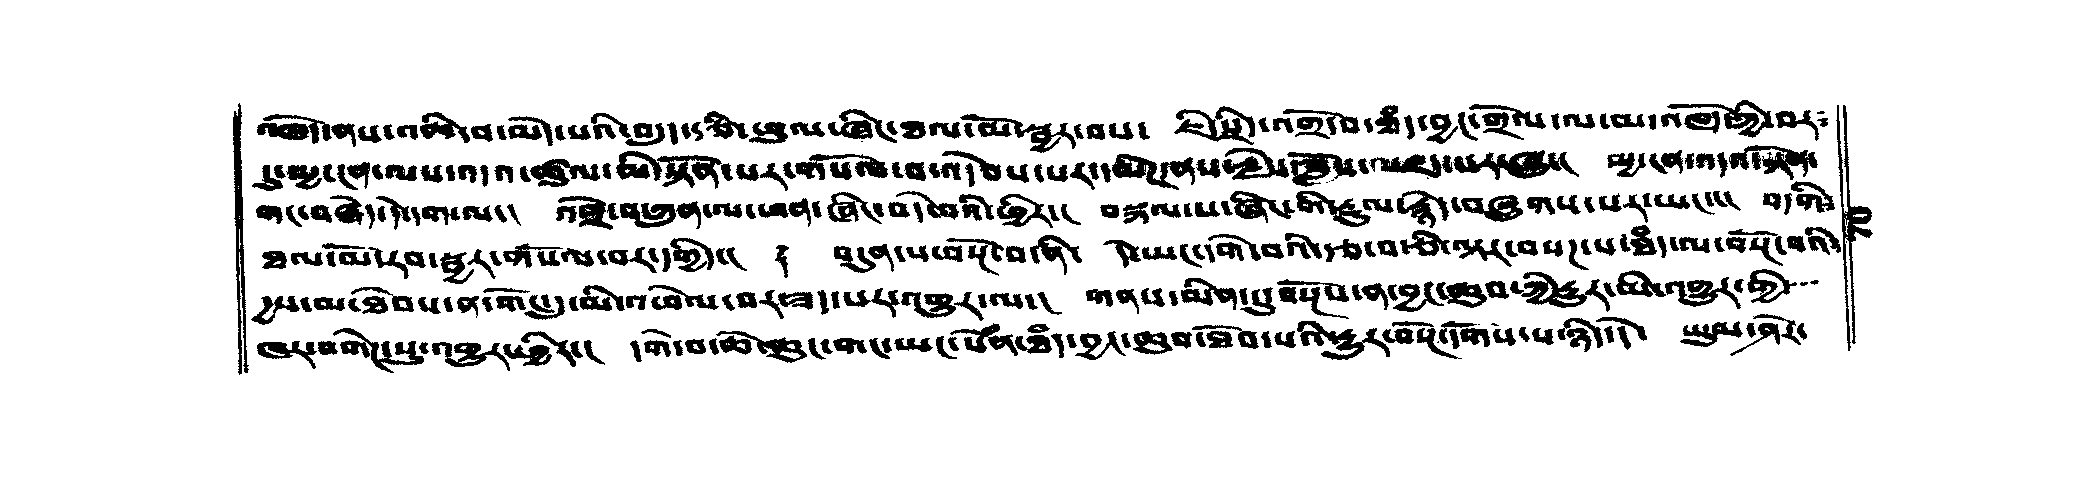འཁོད་ནས་འཆི་བ་མེད་པའི་བདུད་རྩི་ཕུལ་ཞིང་ཐལ་མོ་སྦྱར་བས། ཇི་སྲིད་འགྲོ་བ་ཐམས་ཅད་བྱང་གྲོལ་ལ་མཁྱོད་ཀྱི་བར་
དུ་མྱ་ངན་ལས་འདའ་ཚུལ་མི་སྟོན་པར་གསོལ་བ་འདེབས་པར་དམིགས་ནས་རྗེས་ཟློས་མཛད་པར་ཞུ། མྱ་ངན་འདའ་སྟོན་
གང་བཞེད་དེ་དག་ལ། འགྲོ་བ་ཀུན་ལ་ཕན་ཞིང་བདེ་བའི་ཕྱིར། བསྐལ་པ་ཞིང་གི་རྡུལ་རྙེད་བཞུགས་པར་ཡང་། བདག་གི་
ཐལ་མོ་རབ་སྦྱར་གསོལ་བར་དགྱིད། ༈ བདུན་པ་བསྔོ་བ་ནི། དེ་ཡང་དགེ་བའི་རྩ་བ་ཅི་ལྟར་བསགས་པ་ཐམས་ཅད་ལ་བསྔོ་བའི་
རྒྱས་མ་ཐེབས་ན་གོང་དུ་མི་འཕེལ་བར་ཟད་པར་འགྱུར་ལ། གནས་མིན་དུ་བསྔོས་ན་བྱང་ཆུབ་ཀྱི་རྒྱུར་མི་འགྱུར་གྱི་
ཁར་བགེགས་སུ་འགྱུར་ཕྱིར། དགེ་བ་ཆེ་ཆུང་གང་ཡང་སེམས་ཅན་ཐམས་ཅད་བྱང་ཆུབ་ཐོབ་པའི་རྒྱུར་བསྔོ་དགོས་པ་ཉིད་དོ། ཡུམ་ཤེར་